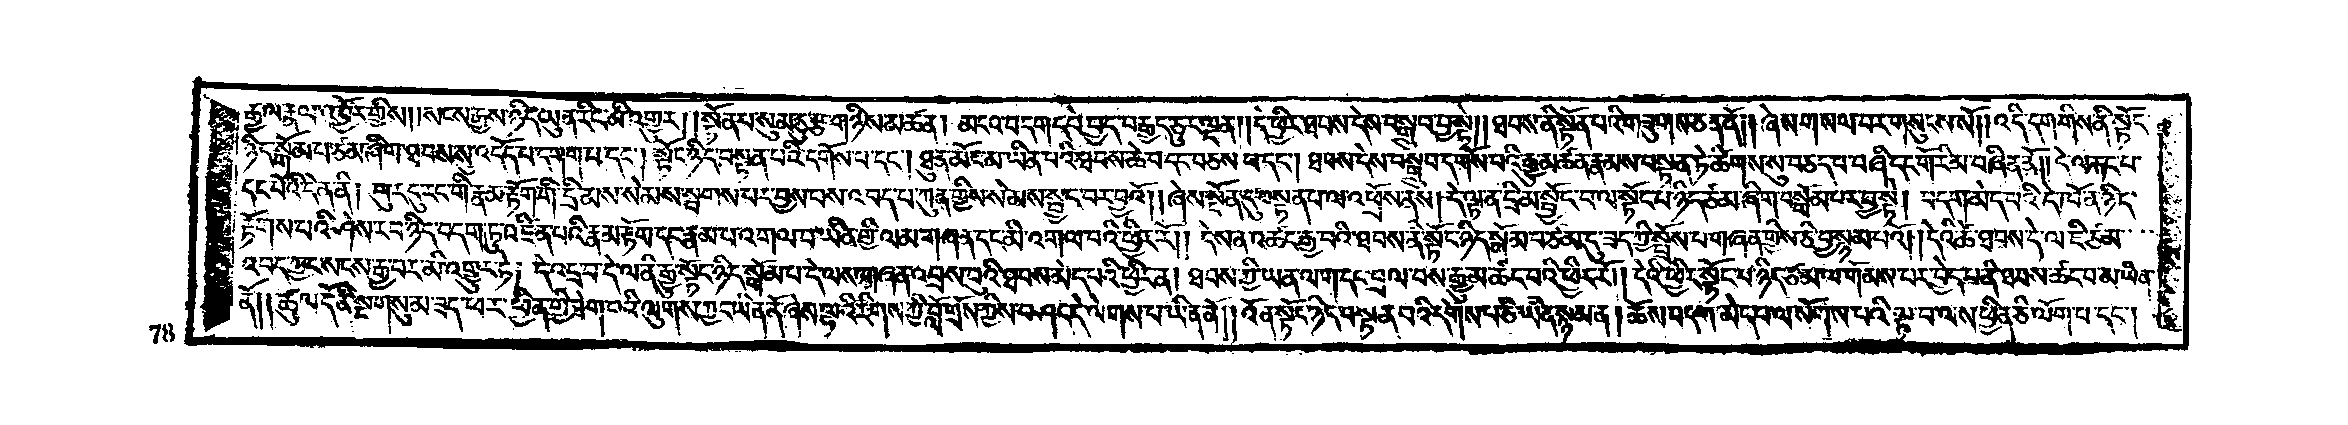རྒྱལ་རྣལ་འབྱོར་གྱིས། །སངས་རྒྱས་ཉིད་ཡུན་རིང་མི་འགྱུར། །སྟོན་པ་སུམ་ཅུ་རྩ་གཉིས་མཚན། །མངའ་བདག་དཔེ་བྱད་བརྒྱད་ཅུར་ལྡན། །དེ་ཕྱིར་ཐབས་དེས་བསྒྲུབ་བྱ་སྟེ། །ཐབས་ནི་སྟོན་པའི་གཟུགས་ཅན་ནོ། །ཞེས་གསལ་བར་གསུངས་སོ། །འདི་དག་གིས་ནི་སྟོང་
ཉིད་སྒོམ་པ་ཙམ་ཞིག་ཐབས་སུ་འདོད་པ་དགག་པ་དང་། སྟོང་ཉིད་བསྟན་པའི་དགོས་པ་དང་། ཐུན་མོང་མ་ཡིན་པའི་ཐབས་ཆེ་བ་དང་བཅས་པ་དང་། ཐབས་དེས་བསྒྲུབ་དགོས་པའི་རྒྱུ་མཚན་རྣམས་བསྟན་ཏེ་ཚིགས་སུ་བཅད་པ་བཞི་དང་གོ་རིམ་བཞིན་ནོ། །དེ་ལ་རྐང་པ་
དང་པོའི་དོན་ནི། གུར་དུ་རང་གི་རྣམ་རྟོག་ཀི་དྲི་མས་སེམས་སྦགས་པར་བྱས་པས་འབད་པ་ཀུན་གྱིས་སེམས་སྦྱང་བར་བྱའོ། །ཞེས་སྔོན་དུ་བསྟན་པ་ལ་འཕྲོས་ནས། དེ་ལྟ་ན་དྲི་མ་སྦྱོང་བ་ལ་སྟོང་པ་ཉིད་ཙམ་ཞིག་བསྒོམ་པར་བྱ་སྟེ། བདག་མེད་པའི་དེ་ཁོ་ན་ཉིད་
རྟོགས་པའི་ཤེས་རབ་ཉིད་བདག་ཏུ་འཛིན་པའི་རྣམ་རྟོག་དང་རྣམ་པ་འགལ་བ་ཡིན་གྱི་ལམ་གཞན་དང་མི་འགལ་བའི་ཕྱིར་རོ། །དེས་ན་འཚང་རྒྱ་བའི་ཐབས་ནི་སྟོང་ཉིད་སྒོམ་པ་ཙམ་དུ་ཟད་ཀྱི་སྤྲོས་པ་གཞན་གྱིས་ཅི་བྱ་སྙམ་པའོ། །དེའི་ཚེ་ཐབས་དེ་ལ་ཇི་ཙམ་
འབད་ཀྱང་སངས་རྒྱས་བར་མི་འགྱུར་ཏེ། དེ་འདྲ་བ་དེ་ལ་ནི་རྒྱུ་སྟོང་ཉིད་སྒོམ་པ་དེ་ལ་གཞན་འབྲས་བུའི་ཐབས་མེད་པའི་ཕྱིར་ན། ཐབས་ཀྱི་ཡན་ལག་དང་བྲལ་བས་རྒྱུ་མ་ཚང་བའི་ཕྱིར་རོ། །དེའི་ཕྱིར་སྟོང་པ་ཉིད་ཙམ་ལ་གོམས་པར་བྱེད་པ་ནི་ཐབས་ཚང་བ་མ་ཡིན་
ནོ། །ཚུལ་དེ་ནི་སྔ་གསུམ་ཟད་ཕར་ཕྱིན་གྱི་ཐེག་པའི་ལུགས་ཀྱང་ཡིན་ནོ་ཞེས་ལྷའི་རིགས་ཀྱི་བློ་གྲོས་ཀྱིས་བཤད་དེ་ལེགས་པ་ཡིན་ནོ། །འོ་ན་སྟོང་ཉིད་བསྟན་པའི་དགོས་པ་ཅི་ཡིན་སྙམ་ན། ཆོས་བདག་མེད་པ་ལ་སོགས་པའི་ལྟ་བ་ལས་ཕྱིན་ཅི་ལོག་པ་དང་།